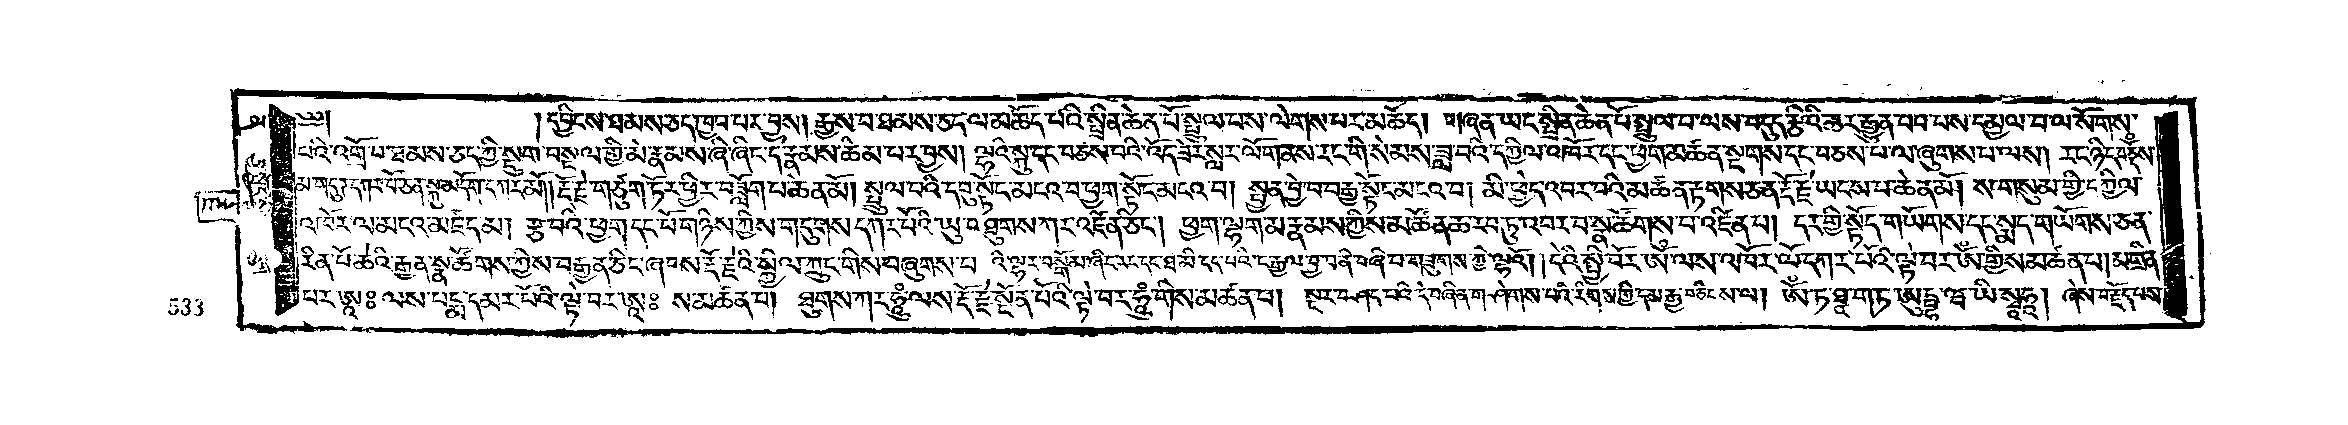༄༅། །དབྱིངས་ཐམས་ཅད་ཁྱབ་པར་བྱས། རྒྱས་པ་ཐམས་ཅད་ལ་མཆོད་པའི་སྤྲིན་ཆེན་པོ་སྤྲུལ་པས་ལེགས་པར་མཆོད། གཞན་ཡང་སྤྲིན་ཆེན་པོ་སྤྲུལ་པ་ལས་བདུད་རྩིའི་ཆར་རྒྱུན་བབ་པས་དམྱལ་བ་ལ་སོགས་
པའི་འགྲོ་བ་ཐམས་ཅད་ཀྱི་སྡུག་བསྔལ་གྱི་མེ་རྣམས་ཞི་ཞིང་དེ་རྣམས་ཆིམ་པར་བྱས། ལྷའི་སྐུ་དང་བཅས་པའི་འོད་ཟེར་སླར་ལོག་ནས་རང་གི་སེམས་ཟླ་བའི་དཀྱིལ་འཁོར་དང་ཕྱག་མཚན་སྔགས་དང་བཅས་པ་ལ་ཞུགས་པ་ལས། རང་ཉིད་བཅོམ་ལྡན་བདས་
མ་གདུགས་དཀར་པོ་ཅན་སྐུ་མདོག་དཀར་མོ། །རྡོ་རྗེ་གཙུག་ཏོར་ཕྱིར་བཟློག་པ་ཆེན་མོ། སྤྲུལ་པའི་དབུ་སྟོང་མངའ་བ་ཕྱག་སྟོང་མངའ་བ། སྤྱན་བྱེ་བ་བརྒྱ་སྟོང་མངའ་བ། མི་ཕྱེད་འབར་བའི་མཚན་རྟགས་ཅན་རྡོ་རྗེ་ཡངས་པ་ཆེན་མོ། ས་གསུམ་གྱི་དཀྱིལ་
འཁོར་ལ་མངའ་མཛད་མ། རྩ་བའི་ཕྱག་དང་པོ་གཉིས་ཀྱིས་གདུགས་དཀར་པོའི་ཡུ་བ་ཐུགས་ཀར་འཛིན་ཅིང་། ཕྱག་ལྷག་མ་རྣམས་ཀྱིས་མཚོན་ཆ་རབ་ཏུ་འབར་བ་སྣ་ཚོགས་པ་འཛིན་པ། དར་གྱི་སྟོད་གཡོགས་དང་སྨད་གཡོགས་ཅན་
རིན་པོ་ཆེའི་རྒྱན་སྣ་ཚོགས་ཀྱིས་བརྒྱན་ཅིང་ཞབས་རྡོ་རྗེའི་སྐྱིལ་ཀྲུང་གིས་བཞུགས་པའི་ལྷར་བསྒོམ་ཞིང་རང་དང་ཐ་མི་དད་པའི་ང་རྒྱལ་བྱ་བ་ནི་བཞི་པ་གཟུགས་ཀྱི་ལྷའོ།  །དེའི་སྤྱི་བོར་ཨོཾ་ལས་འཁོར་ལོ་དཀར་པོའི་ལྟེ་བར་ཨོཾ་གྱིས་མཚན་པ། མགྲིན་
པར་ཨཱཿ ལས་པདམ་དམར་པོའི་ལྟེ་བར་ཨཱཿ ས་མཚན་པ། ཐུགས་ཀར་ཧཱུཾ་ལས་རྡོ་རྗེ་སྔོན་པོའི་ལྟེ་བར་ཧཱུཾ་གིས་མཚན་པ། སྔར་བཤད་པའི་དེ་བཞིན་གཤེགས་པའི་རིགས་གྱི་དམ་རྒྱ་བཅིངས་ལ།  ཨོཾ་ཏ་ཐཱ་ག་ཏ་ཨུདབྷ་ཝ་ཡེ་སྭཱ་ཧཱ། ཞེས་བརྗོད་པས་